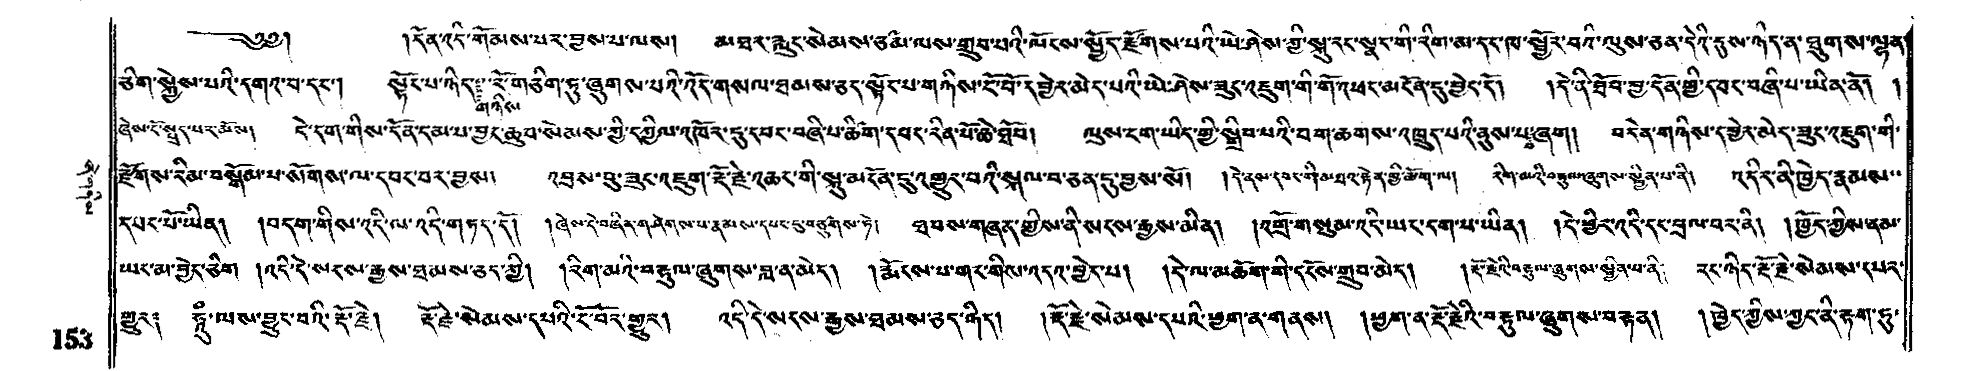༄༅། །དོན་འདི་གོམས་པར་བྱས་པ་ལས། མཐར་རླུང་སེམས་ཙམ་ལས་གྲུབ་པའི་ལོངས་སྤྱོད་རྫོགས་པའི་ཡེ་ཤེས་ཀྱི་སྐུ་རང་སྣང་གི་རིག་མ་དང་ཁ་སྦྱོར་བའི་ལུས་ཅན་དེའི་དུས་ཉིད་ན་ཐུགས་ལྷན་
ཅིག་སྐྱེས་པའི་དགའ་བ་དང་། སྟོང་པ་ཉིད་གཉིས་རོ་གཅིག་ཏུ་ཞུགས་པའི་འོད་གསལ་ཐམས་ཅད་སྟོང་པ་གཉིས་ངོ་བོ་དབྱེར་མེད་པའི་ཡེ་ཤེས་ཟུང་འཇུག་གི་གོ་འཕང་མངོན་དུ་བྱེད་དོ། །དེ་ནི་ཐོབ་བྱ་དོན་གྱི་དབང་བཞི་པ་ཡིན་ནོ། །
ཞེས་ངོ་སྤྲད་པར་མོས།  དེ་དག་གིས་དོན་དམ་པ་བྱང་ཆུབ་སེམས་ཀྱི་དཀྱིལ་འཁོར་དུ་དབང་བཞི་པ་ཚིག་དབང་རིན་པོ་ཆེ་ཐོབ། ལུས་ངག་ཡིད་གྱི་སྒྲིབ་པའི་བག་ཆགས་འཁྲུད་པའི་ནུས་པ་བཞག། བདེན་གཉིས་དབྱེར་མེད་ཟུང་འཇུག་གི་
རྫོགས་རིམ་བསྒོམ་པ་སོགས་ལ་དབང་བར་བྱས། འབྲས་བུ་ཟུང་འཇུག་རྡོ་རྗེ་འཆང་གི་སྐུ་མངོན་དུ་འགྱུར་བའི་སྐལ་བ་ཅན་དུ་བྱས་སོ། །དེ་ནས་དབང་གི་མཐའ་རྟེན་གྱི་ཆོ་ག་ལ། རིག་མའི་བརྟུལ་ཞུགས་སྦྱིན་པ་ནི།  འདིར་ནི་ཁྱེད་རྣམས་
དབང་པོ་ཡིན། །བདག་གིས་འདི་ལ་འདི་གཏད་དོ། །ཞེས་དེ་བཞིན་གཤེགས་པ་རྣམས་དབང་དུ་བཙུགས་ཏེ།  ཐབས་གཞན་གྱིས་ནི་སངས་རྒྱས་མིན། །འགྲོ་གསུམ་འདི་ཡང་དག་པ་ཡིན། །དེ་ཕྱིར་འདི་དང་བྲལ་བར་ནི། །ཁྱོད་ཀྱིས་ནམ་
ཡང་མ་བྱེད་ཅིག །འདི་དེ་སངས་རྒྱས་ཐམས་ཅད་ཀྱི། །རིག་མའི་བརྟུལ་ཞུགས་བླ་ན་མེད། །རྨོངས་པ་གང་གིས་འདའ་བྱེད་པ། །དེ་ལ་མཆོག་གི་དངོས་གྲུབ་མེད། །རྡོ་རྗེའི་བརྟུལ་ཞུགས་སྦྱིན་པ་ནི།  རང་ཉིད་རྡོ་རྗེ་སེམས་དཔར་
གྱུར༑ ཧཱུཾ་ལས་བྱུང་བའི་རྡོ་རྗེ། རྡོ་རྗེ་སེམས་དཔའི་ངོ་བོར་གྱུར། འདི་དེ་སངས་རྒྱས་ཐམས་ཅད་ཉིད། །རྡོ་རྗེ་སེམས་དཔའི་ཕྱག་ན་གནས། །ཕྱག་ན་རྡོ་རྗེའི་བརྟུལ་ཞུགས་བརྟན། །ཁྱེད་ཀྱིས་ཀྱང་ནི་རྟག་ཏུ་